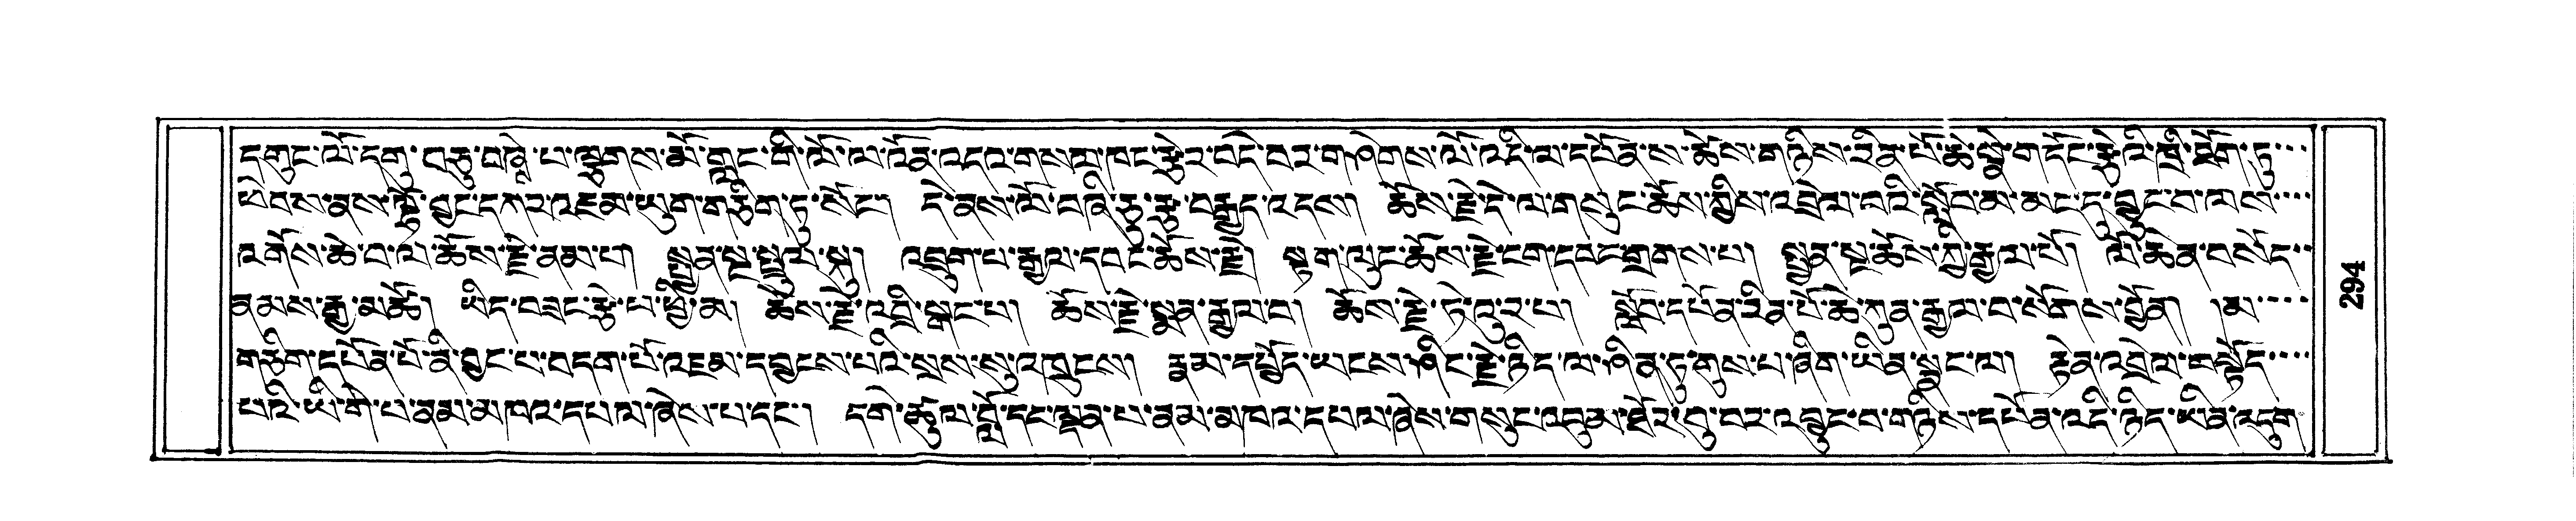དགུང་ལོ་དགུ་བཅུ་བཞེས་པ་ལྕགས་མོ་གླང་གི་ལོ་ལ་འོན་འདའ་གསལ་ཁང་རྩེར་བདེ་བར་གཤེགས་ལོ་འདི་ལ་དཔོན་ས་ཚེས་གཉིས་རིན་པོ་ཆེ་སྣེ་གདོང་རྩེའི་ཁྲི་ཐོག་ཏུ་
ཕེབས་ནས་ལྷོ་བྱང་དཀར་འཇམ་ཡུག་གཅིག་ཏུ་སོང་། དེ་ནས་ལོ་བཞི་ཅུ་རྩ་བརྒྱད་འདས། ཆོས་རྗེ་དེ་ལ་གསུང་ཆོས་ཀྱིས་འབྲེལ་བའི་སློབ་མ་མང་དུ་བྱུང་བ་ལས་
འགོས་ཆེ་བ་ལ་ཆོས་རྗེ་ནམ་པ། སྤྱན་སྔ་སྤྲུལ་སྐུ། འབྲུག་པ་རྒྱལ་དབང་ཆོས་རྗེ། སྟག་ལུང་ཆོས་རྗེ་ངག་དབང་གྲགས་པ། སྤྱན་སྔ་ཆོས་ཀྱི་རྒྱལ་པོ། ལོ་ཆེན་བསོད་
ནམས་རྒྱ་མཚོ། ཡིད་བཟང་རྩེ་པ་ཕྱི་མ། ཆོས་རྗེ་འབྲི་སྒང་པ། ཆོས་རྗེ་སྨན་རྒྱལ་བ། ཆོས་རྗེ་ཏེ་འུ་ར་པ། སློབ་དཔོན་རིན་པོ་ཆེ་ཀུན་རྒྱལ་བ་སོགས་བྱོན། །མ་
གཅིག་དཔོན་པོ་ནི་བྱང་པ་བདག་པོ་འཇམ་དབྱངས་པའི་སྲས་སུ་འཁྲུངས། རྣམ་དཔྱོད་ཡངས་ཤིང་རྗེ་ཉིད་ལ་ཤིན་ཏུ་གུས་པ་ཞིག་ཡིན་སྣང་ལ། རྟེན་འབྲེལ་བསྟོད་
པའི་ཡི་གེ་པ་ནམ་མཁའ་དཔལ་ཞེས་པ་དང་། དགེ་ཚུལ་བློ་དང་ལྡན་པ་ནམ་མཁའ་དཔལ་ཞེས་གསུང་འབུམ་ཐོར་བུ་བར་འབྱུང་བ་གཉིས་དཔོན་འདི་ཉིད་ཡིན་འདུག་